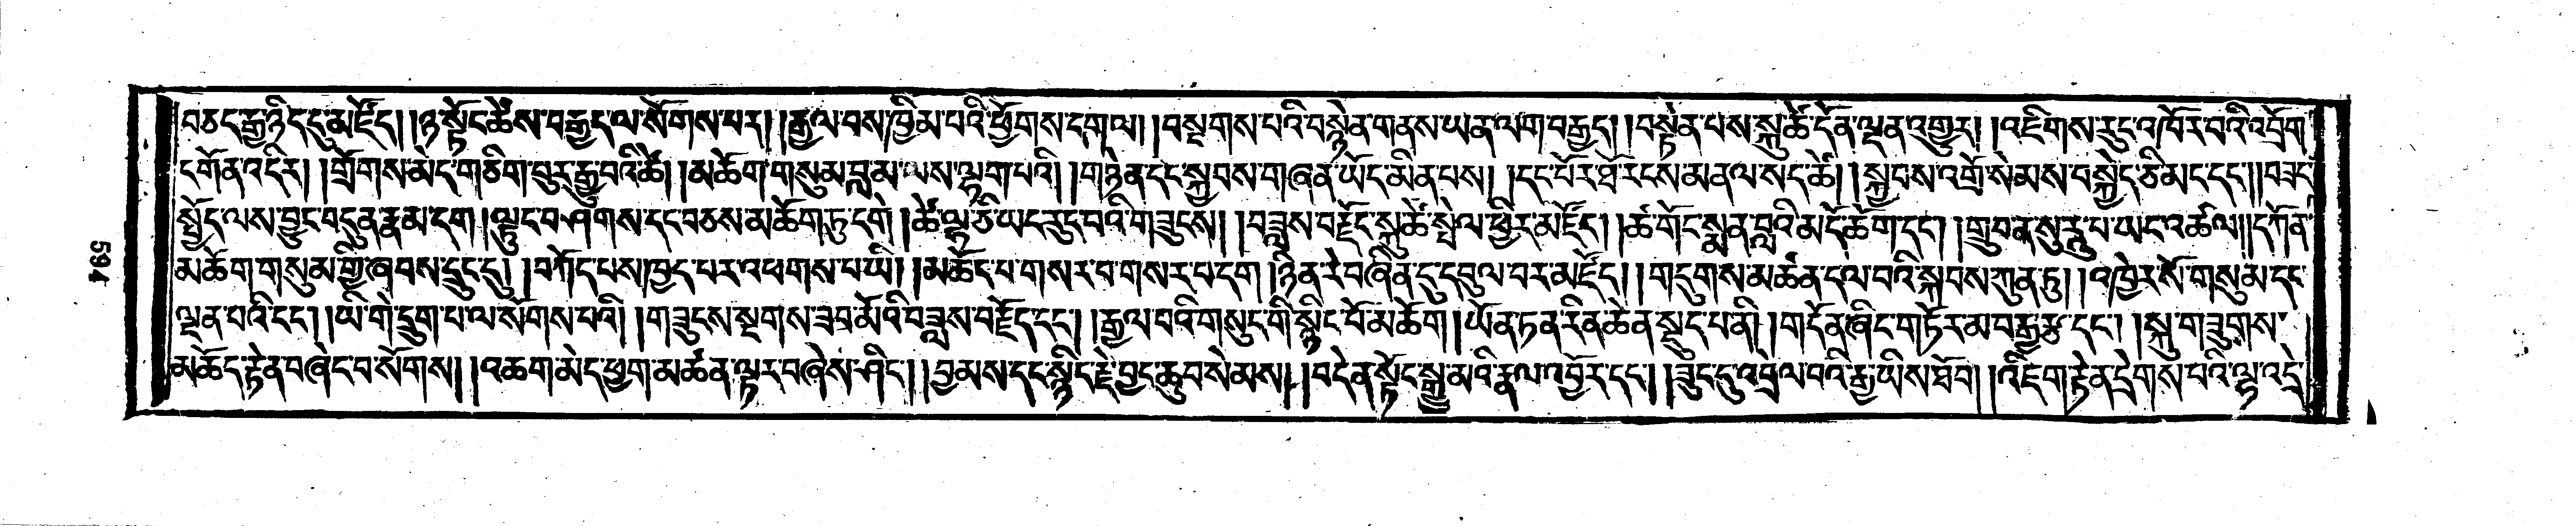བཅད་རྒྱ་ཉིད་དུ་མཛོད། །ཉ་སྟོང་ཚེས་བརྒྱད་ལ་སོགས་པར། །རྒྱལ་བས་ཁྱིམ་པའི་ཕྱོགས་དག་ལ། །བསྔགས་པའི་བསྙེན་གནས་ཡན་ལག་བརྒྱད། །བསྟེན་པས་སྐུ་ཚེ་དོན་ལྡན་འགྱུར། །འཇིགས་རུང་འཁོར་བའི་འབྲོག་
དགོན་འདིར། །གྲོགས་མེད་གཅིག་པུར་རྒྱུ་བའི་ཚེ། །མཆོག་གསུམ་བླ་མ་ལས་ལྷག་པའི། །གཉེན་དང་སྐྱབས་གཞན་ཡོད་མིན་པས། །དང་པོར་ཐོ་རངས་མནལ་སད་ཚེ། །སྐྱབས་འགྲོ་སེམས་བསྐྱེད་ཅི་མང་དང་། །བཟང་
སྤྱོད་ལས་བྱུང་བདུན་རྣམ་དག །ལྟུང་བཤགས་དང་བཅས་མཆོག་ཏུ་དགེ །ཚེ་ལྷ་ཅི་ཡང་རུང་བའི་གཟུངས། །བཟླས་བརྗོད་སྐུ་ཚེ་སྤེལ་ཕྱིར་མཛོད། །ཚ་གོང་སྨན་བླའི་མདོ་ཆོག་དང་། །གྲུབ་ན་སུ་རཱུ་པ་ཡང་འཚལ། །དཀོན་
མཆོག་གསུམ་གྱི་ཞབས་དྲུང་དུ། །བཀོད་པས་ཁྱད་པར་འཕགས་པ་ཡི། །མཆོད་པ་གསར་པ་གསར་པ་དག །ཉིན་རེ་བཞིན་དུ་དབུལ་བར་མཛོད། །གདུགས་མཚན་དལ་བའི་སྐབས་ཀུན་ཏུ། །འཁྱེར་སོ་གསུམ་དང་
ལྡན་པའི་ངང་། །ཡི་གེ་དྲུག་པ་ལ་སོགས་པའི། །གཟུངས་སྔགས་ཟབ་མོའི་བཟླས་བརྗོད་དང་། །རྒྱལ་བའི་གསུང་གི་སྙིང་པོ་མཆོག །ཡོན་ཏན་རིན་ཆེན་སྡུད་པ་ནི། །གདོན་ཞིང་གཏོར་མ་བརྒྱ་རྩ་དང་། །སྐུ་གཟུགས་
མཆོད་རྟེན་བཞེང་བ་སོགས། །འཆག་མེད་ཕྱག་མཚན་ལྟར་བཞེས་ཤིང་། །བྱམས་དང་སྙིང་རྗེ་བྱང་ཆུབ་སེམས། །བདེན་སྟོང་སྒྱུ་མའི་རྣལ་འབྱོར་དང་། །ཟུང་དུ་འབྲེལ་བའི་རྒྱ་ཡིས་ཐོབ། །འཇིག་རྟེན་དྲེགས་པའི་ལྷ་འདྲེ་